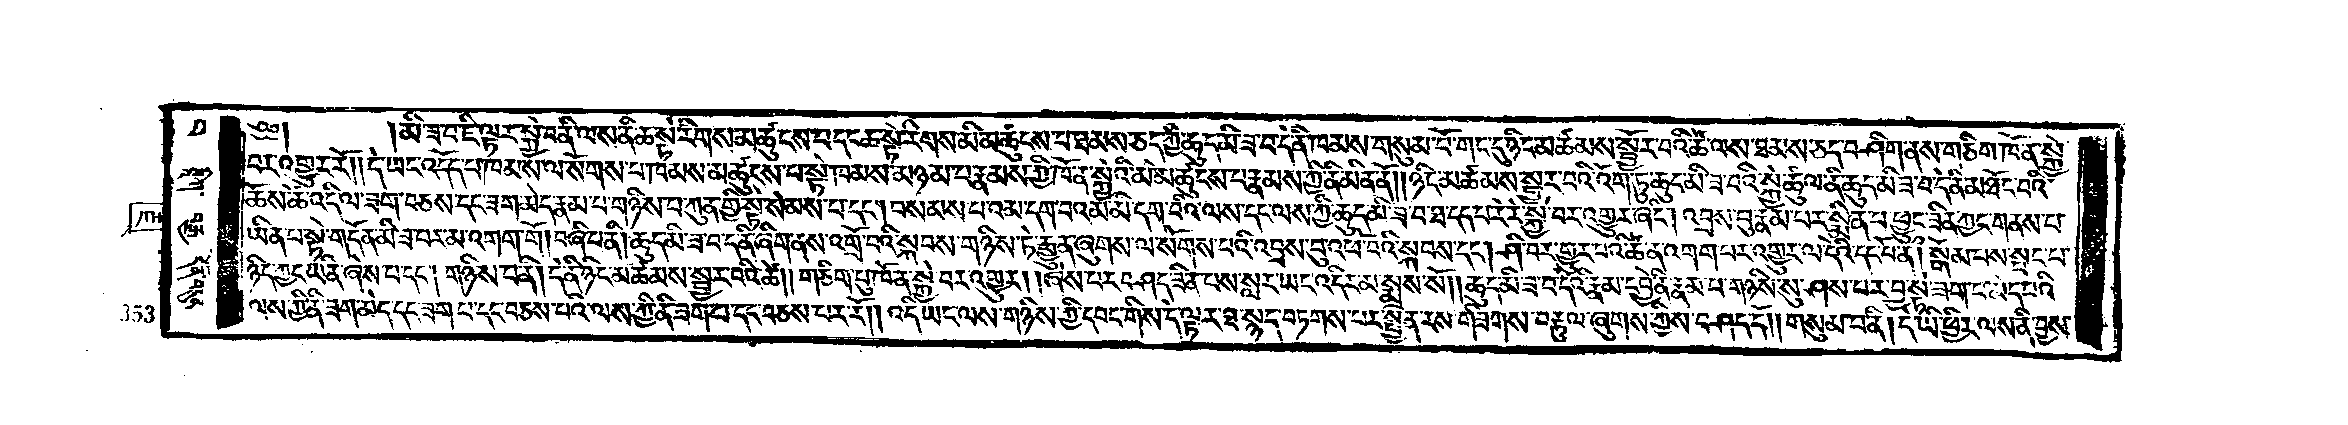༄༅། །མི་ཟ་བ་ཇི་ལྟར་སྐྱེ་བ་ནི་ལས་ནི་ཆ་སྟེ་རིགས་མཚུངས་པ་དང་ཆ་སྟེ་རིགས་མི་མཚུངས་པ་ཐམས་ཅད་ཀྱི་ཆུད་མི་ཟ་བ་དེ་ནི་ཁམས་གསུམ་པོ་གང་དུ་ཉིད་མཚམས་སྦྱོར་བའི་ཚེ་ལས་ཐམས་ཅད་བཤིག་ནས་གཅིག་ཁོ་ན་སྐྱ་
བར་འགྱུར་རོ། །དེ་ཡང་འདོད་པ་ཁམས་ལ་སོགས་པ་ཁམས་མཚུངས་པ་སྟ་ཁམས་མཉམ་པ་རྣམས་ཀྱི་ཁོ་ན་སྐྱེའོ་མི་མཚུངས་པ་རྣམས་ཀྱི་ནི་མིན་ནོ། །ཉིད་མཚམས་སྦྱར་བའི་འོག་ཏུ་ཆུད་མ་ཟ་བའི་སྐྱེ་ཚུལ་ནི་ཆུད་མི་ཟ་བ་དེ་ནི་མཐོང་བའི་
ཆོས་ཚེ་འདི་ལ་ཟག་བཅས་དང་ཟག་མེད་རྣམ་པ་གཉིས་པ་ཀུན་གྱི་སྟེ་སེམས་པ་དང་། བསམས་པའམ་དག་བའམ་མི་དག་པའི་ལས་དང་ལས་ཀྱི་ཆུད་མི་ཟ་བ་ཐ་དད་པ་རེ་རེ་སྐྱེ་བར་འགྱུར་ཞིང་། འབྲས་བུ་རྣམ་པར་སྨིན་པ་ཕྱུང་ཟིན་ཀྱང་གནས་པ་
ཡིན་པ་སྟེ་གདོན་མི་ཟ་བར་མ་འགག་གོ། བཞི་པ་ནི། ཆུད་མི་ཟ་བ་ད་ནི་ཞིག་ནས་འགྲོ་བའི་སྐབས་གཉིས་ཏེ་རྒྱུན་ཞུགས་ལ་སོགས་པའི་འབྲས་བུ་འཕོ་བའི་སྐབས་དང་། ཤི་བར་གྱུར་པའི་ཚེ་ན་འགག་པར་འགྱུར་ལ་དེའི་དང་པོ་ནི། སྒོམ་པས་སྤང་བ་
ཉིད་ཀྱང་ཡིན་ཞེས་པ་དང་། གཉིས་པ་ནི། དེ་ནི་ཉིད་མཚམས་སྦྱར་བའི་ཚེ། །གཅིག་པུ་ཁོ་ན་སྐྱེ་བར་འགྱུར། །ཞེས་པར་བཤད་ཟིན་པས་སླར་ཡང་འདིར་མ་སྨས་སོ། །ཆུད་མི་ཟ་བ་དེའི་རྣམ་དབྱ་ནི་རྣམ་པ་གཉིས་སུ་ཤས་པར་བྱ་སྟེ་ཟག་པ་མེད་པའི་
ལས་ཀྱི་ནི་ཟག་མེད་དང་ཟག་པ་དང་བཅས་པའི་ལས་ཀྱི་ནི་ཟག་པ་དང་བཅས་པར་རོ། །འདི་ཡང་ལས་གཉིས་ཀྱི་དབང་གིས་དེ་ལྟར་ཐ་སྙད་བཏགས་པར་སྤྱན་རས་གཟིགས་བརྟུལ་ཞུགས་ཀྱིས་བཤད་དོ། །གསུམ་པ་ནི། དེ་ཡི་ཕྱིར་ལས་ནི་བྱས་